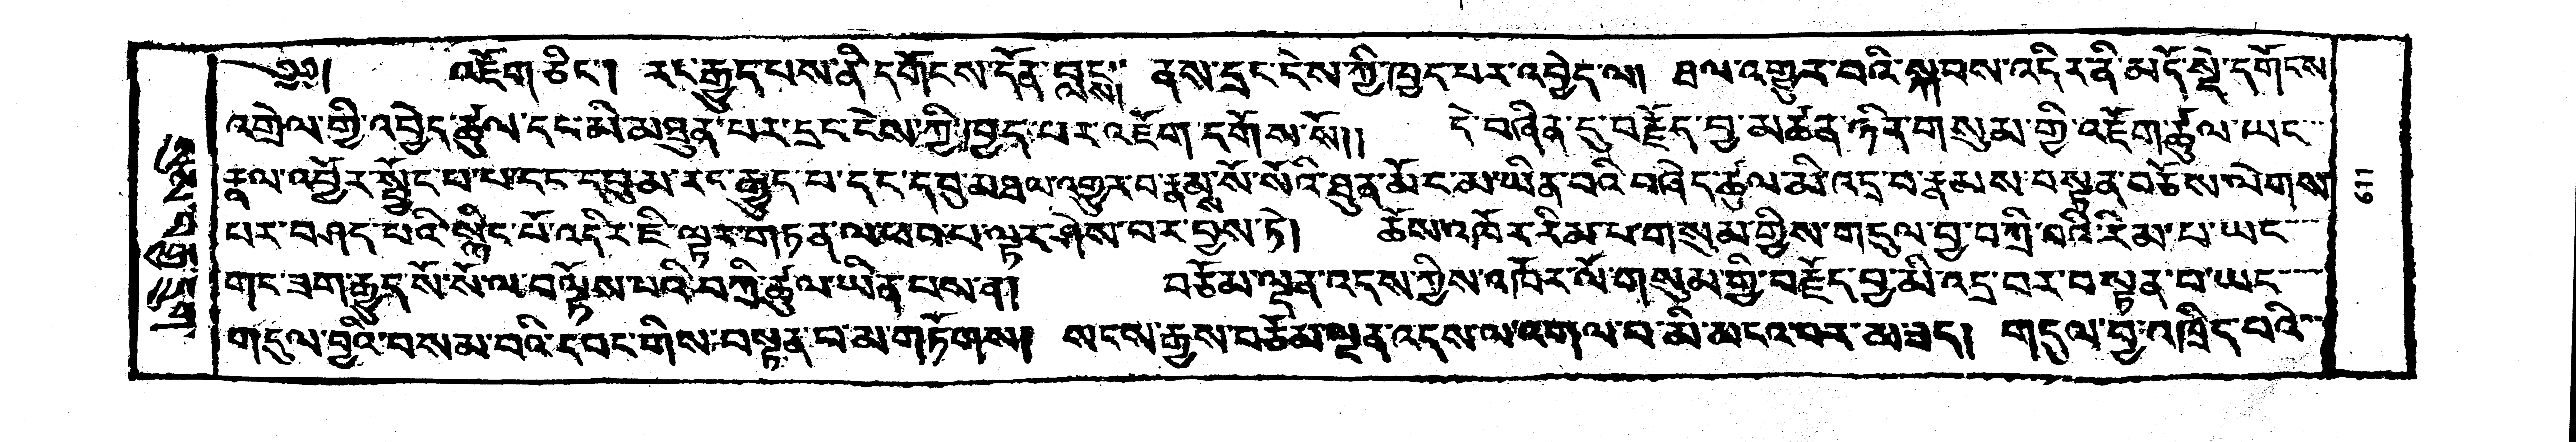༄༅། །འཇོག་ཅིང་། རང་རྒྱུད་པས་ནི་དགོངས་དོན་བླངས། ནས་དྲང་ངེས་ཀྱི་ཁྱད་པར་འབྱེད་ལ། ཐལ་འགྱུར་བའི་སྐབས་འདིར་ནི་མདོ་སྡེ་དགོངས་
འགྲེལ་གྱི་འབྱེད་ཚུལ་དང་མི་མཐུན་པར་དྲང་ངེས་ཀྱི་ཁྱད་པར་འཇོག་དགོས་སོ།། དེ་བཞིན་དུ་བརྗོད་བྱ་མཚན་ཉིད་གསུམ་གྱི་འཇོག་ཚུལ་ཡང་
རྣལ་འབྱོར་སྦྱོང་པ་པ་དང་དབུ་མ་རང་རྒྱུད་པ་དང་དབུ་མཐལ་འགྱུར་བ་རྣམས་སོ་སོའི་ཐུན་མོང་མ་ཡིན་པའི་བཞེད་ཚུལ་མི་འདྲ་བ་རྣམས་བསྟན་བཅོས་ལེགས་
པར་བཤད་པའི་སྙིང་པོ་འདིར་ཇི་ལྟར་གཏན་ལ་ཕབ་པ་ལྟར་ཤེས་པར་བྱས་ཏེ། ཆོས་འཁོར་རིམ་པ་གསུམ་གྱིས་གདུལ་བྱ་བ་ཀྲི་བའི་རིམ་པ་ཡང་
གང་ཟག་རྒྱུད་སོ་སོ་ལ་བལྟོས་པའི་བཀྲི་ཚུལ་ཡིན་པས་ན། བཅོམ་ལྡན་འདས་ཀྱིས་འཁོར་ལོ་གསུམ་གྱི་བརྗོད་བྱ་མི་འདྲ་བར་བསྟན་པ་ཡང་
གདུལ་བྱའི་བསམ་པའི་དབང་གིས་བསྟན་པ་མ་གཏོགས། སངས་རྒྱས་བཅོམ་ལྡན་འདས་ལ་འགལ་བ་མི་མངའ་བར་མ་ཟད། གདུལ་བྱ་འཁྲིད་པའི་